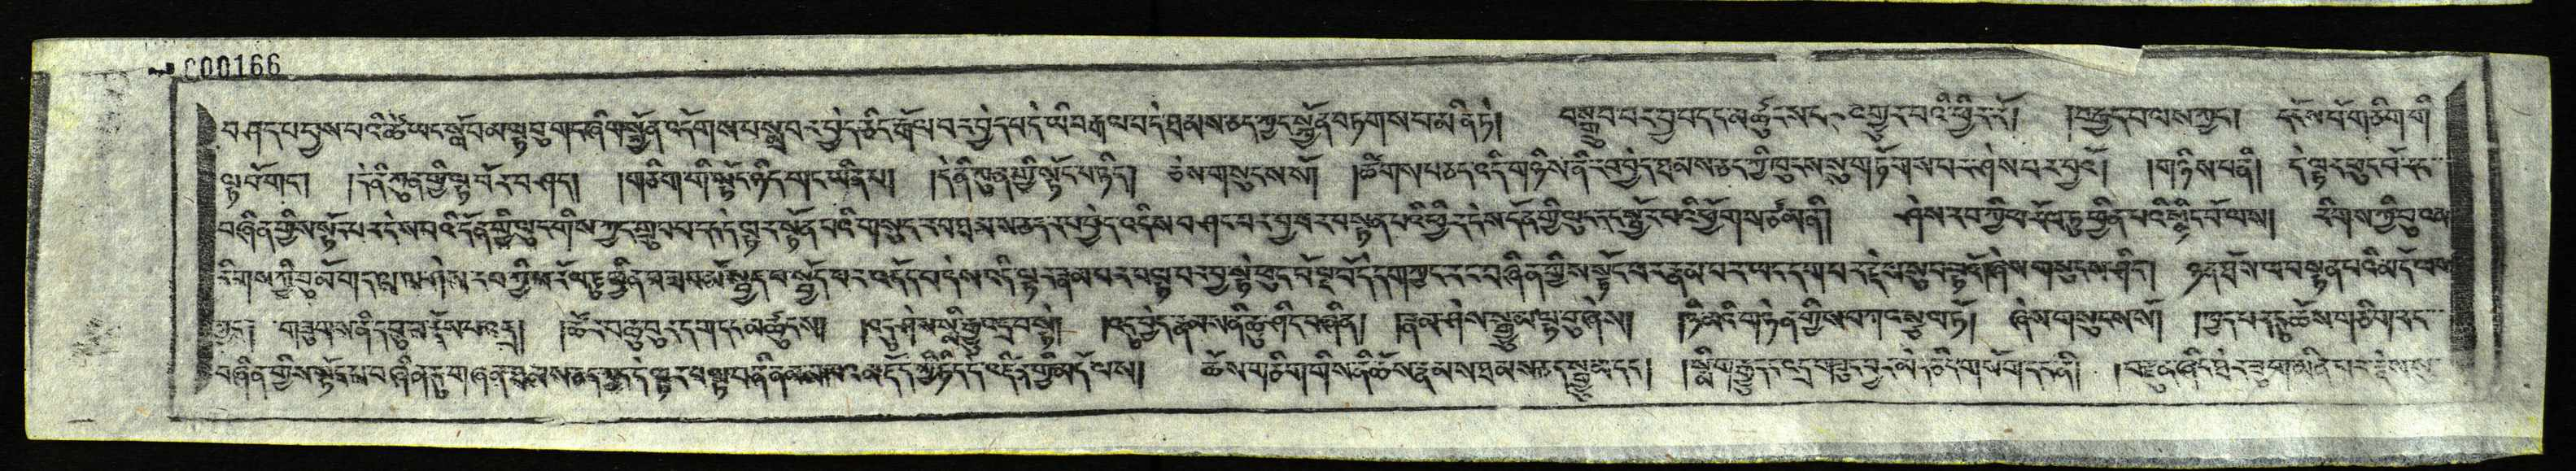བཤད་པ་བྱས་པའི་ཚེ་ཡང་སློབ་མ་ལྟ་བུ་གང་ཞིག་སྐྱོན་འདོགས་པ་སྨྲ་བར་བྱེད་ཅིང་རྒོལ་བར་བྱེད་པ་དེ་ཡི་བརྒལ་བ་དེ་ཐམས་ཅད་ཀྱང་སྐྱོན་བཏགས་པ་མིན་ཏེ། བསྒྲུབ་བར་བྱ་བ་དང་མཚུངས་པར་འགྱུར་བའི་ཕྱིར་རོ། །བརྒྱད་པ་ལས་ཀྱང་། དངོས་པོ་གཅིག་གི་
ལྟ་བོ་གང་། །དེ་ནི་ཀུན་གྱི་ལྟ་བོར་བཤད། །གཅིག་གི་སྟོང་ཉིད་གང་ཡིན་པ། །དེ་ནི་ཀུན་གྱི་སྟོང་པ་ཉིད། ཅེས་གསུངས་སོ། །ཚིགས་བཅད་འདི་གཉིས་ནི་རབ་བྱེད་ཐམས་ཅད་ཀྱི་ཁུངས་སུ་གཏོགས་པར་ཤེས་པར་བྱའོ། །གཉིས་པ་ནི། དེ་ལྟར་ཕུང་པོ་རང་
བཞིན་གྱིས་སྟོང་པར་ངེས་པའི་དོན་གྱི་ལུང་གིས་ཀྱང་གྲུབ་པ་དང་དེ་ལྟར་སྟོན་པའི་གསུང་རབ་ཐམས་ཅད་རབ་བྱེད་འདིས་བཤད་པར་བྱ་བར་བསྟན་པའི་ཕྱིར་ངེས་དོན་གྱི་ལུང་དང་སྦྱོར་བའི་ཕྱོགས་ཙམ་ནི། ཤེས་རབ་ཀྱི་ཕ་རོལ་ཏུ་ཕྱིན་པའི་སྙིང་པོ་ལས། རིགས་ཀྱི་བུ་འམ་
རིགས་ཀྱི་བུ་མོ་གང་ལ་ལ་ཤེས་རབ་ཀྱི་ཕ་རོལ་ཏུ་ཕྱིན་པ་ཟབ་མོ་སྤྱད་པ་སྤྱོད་པར་འདོད་པ་དེས་འདི་ལྟར་རྣམ་པར་བལྟ་བར་བྱ་སྟེ་ཕུང་པོ་ལྔ་པོ་དེ་དག་ཀྱང་རང་བཞིན་གྱིས་སྟོང་པར་རྣམ་པར་ཡང་དག་པར་རྗེས་སུ་བལྟའོ། ཞེས་གསུངས་ཤིང་། ཉན་ཐོས་ལ་བསྟན་པའི་མདོ་ལས་
ཀྱང༑ གཟུགས་ནི་དབུ་བརྔོས་པ་འདྲ། །ཚོར་བ་ཆུ་བུར་དག་དང་མཚུངས། །འདུ་ཤེས་སྨི་རྒྱུ་འདྲ་བ་སྟེ། །འདུ་བྱེད་རྣམས་ནི་ཆུ་ཤིང་བཞིན། །རྣམ་ཤེས་སྒྱུ་མ་ལྟ་བུ་ཞེས། །ཉི་མའི་གཉེན་གྱིས་བཀའ་སྩལ་ཏོ། ཞེས་གསུངས་སོ། །ཁྱད་པར་དུ་ཆོས་གཅིག་རང་
བཞིན་གྱིས་སྟོང་པ་བཞིན་དུ་གཞན་ཐམས་ཅད་ཀྱང་དེ་ལྟར་བལྟ་བ་ནི་ནམ་མཁའ་མཛོད་ཀྱི་ཏིང་ངེ་འཛིན་གྱི་མདོ་ལས། ཆོས་གཅིག་གིས་ནི་ཆོས་རྣམས་ཐམས་ཅད་སྒྱུ་མ་དང་། །སྨིག་རྒྱུ་དང་འདྲ་གཟུང་བྱར་མེད་ཅིང་གསོག་དང་ནི། །བརྫུན་ཞིང་ཐེར་ཟུག་མིན་པར་རྗེས་སུ་